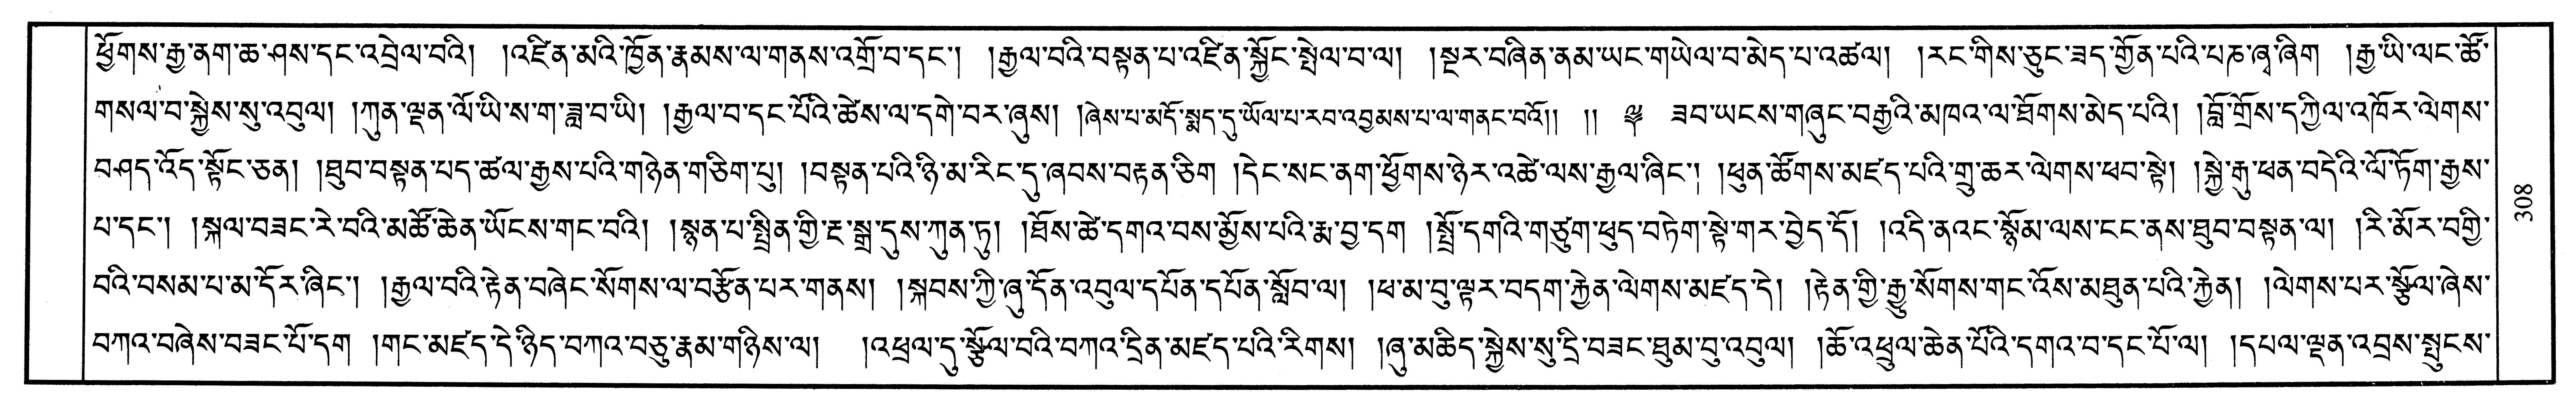ཕྱོགས་རྒྱ་ནག་ཆ་ཤས་དང་འབྲེལ་བའི། །འཛིན་མའི་ཁྱོན་རྣམས་ལ་གནས་འགྲོ་བ་དང་། །རྒྱལ་བའི་བསྟན་པ་འཛིན་སྐྱོང་སྤེལ་བ་ལ། །སྔར་བཞིན་ནམ་ཡང་གཡེལ་བ་མེད་པ་འཚལ། །རང་གིས་ཅུང་ཟད་གྱོན་པའི་པཎ་ཞྭ་ཞིག །རྒྱ་ཡི་ལང་ཚོ་
གསལ་བ་སྐྱེས་སུ་འབུལ། །ཀུན་ལྡན་ལོ་ཡི་ས་ག་ཟླ་བ་ཡི། །རྒྱལ་བ་དང་པོའི་ཚེས་ལ་དགེ་བར་ཞུས། །ཞེས་པ་མདོ་སྨད་དུ་ཡོལ་པ་རབ་འབྱམས་པ་ལ་གནང་བའོ།། །། ༈ ཟབ་ཡངས་གཞུང་བརྒྱའི་མཁའ་ལ་ཐོགས་མེད་པའི། །བློ་གྲོས་དཀྱིལ་འཁོར་ལེགས་
བཤད་འོད་སྟོང་ཅན། །ཐུབ་བསྟན་པད་ཚལ་རྒྱས་པའི་གཉེན་གཅིག་པུ། །བསྟན་པའི་ཉི་མ་རིང་དུ་ཞབས་བརྟན་ཅིག །དེང་སང་ནག་ཕྱོགས་ཉེར་འཚེ་ལས་རྒྱལ་ཞིང་། །ཕུན་ཚོགས་མཛད་པའི་གྲུ་ཆར་ལེགས་ཕབ་སྟེ། །སྐྱེ་རྒུ་ཕན་བདེའི་ལོ་ཏོག་རྒྱས་
པ་དང་། །སྐལ་བཟང་རེ་བའི་མཚོ་ཆེན་ཡོངས་གང་བའི། །སྙན་པ་སྤྲིན་གྱི་རྔ་སྒྲ་དུས་ཀུན་ཏུ། །ཐོས་ཚེ་དགའ་བས་མྱོས་པའི་རྨ་བྱ་དག །སྤྲོ་དགའི་གཙུག་ཕུད་བཏེག་སྟེ་གར་བྱེད་དོ། །འདི་ནའང་སྙོམ་ལས་ངང་ནས་ཐུབ་བསྟན་ལ། །རི་མོར་བགྱི་
བའི་བསམ་པ་མ་དོར་ཞིང་། །རྒྱལ་བའི་རྟེན་བཞེང་སོགས་ལ་བརྩོན་པར་གནས། །སྐབས་ཀྱི་ཞུ་དོན་འབུལ་དཔོན་དཔོན་སློབ་ལ། །ཕ་མ་བུ་ལྟར་བདག་རྐྱེན་ལེགས་མཛད་དེ། །རྟེན་གྱི་རྒྱུ་སོགས་གང་འོས་མཐུན་པའི་རྐྱེན། །ལེགས་པར་སྩོལ་ཞེས་
བཀའ་བཞེས་བཟང་པོ་དག །གང་མཛད་དེ་ཉིད་བཀའ་བཅུ་རྣམ་གཉིས་ལ། །འཕྲལ་དུ་སྩོལ་བའི་བཀའ་དྲིན་མཛད་པའི་རིགས། །ཞུ་མཆིད་སྐྱེས་སུ་དྲི་བཟང་ཐུམ་བུ་འབུལ། །ཆོ་འཕྲུལ་ཆེན་པོའི་དགའ་བ་དང་པོ་ལ། །དཔལ་ལྡན་འབྲས་སྤུངས་